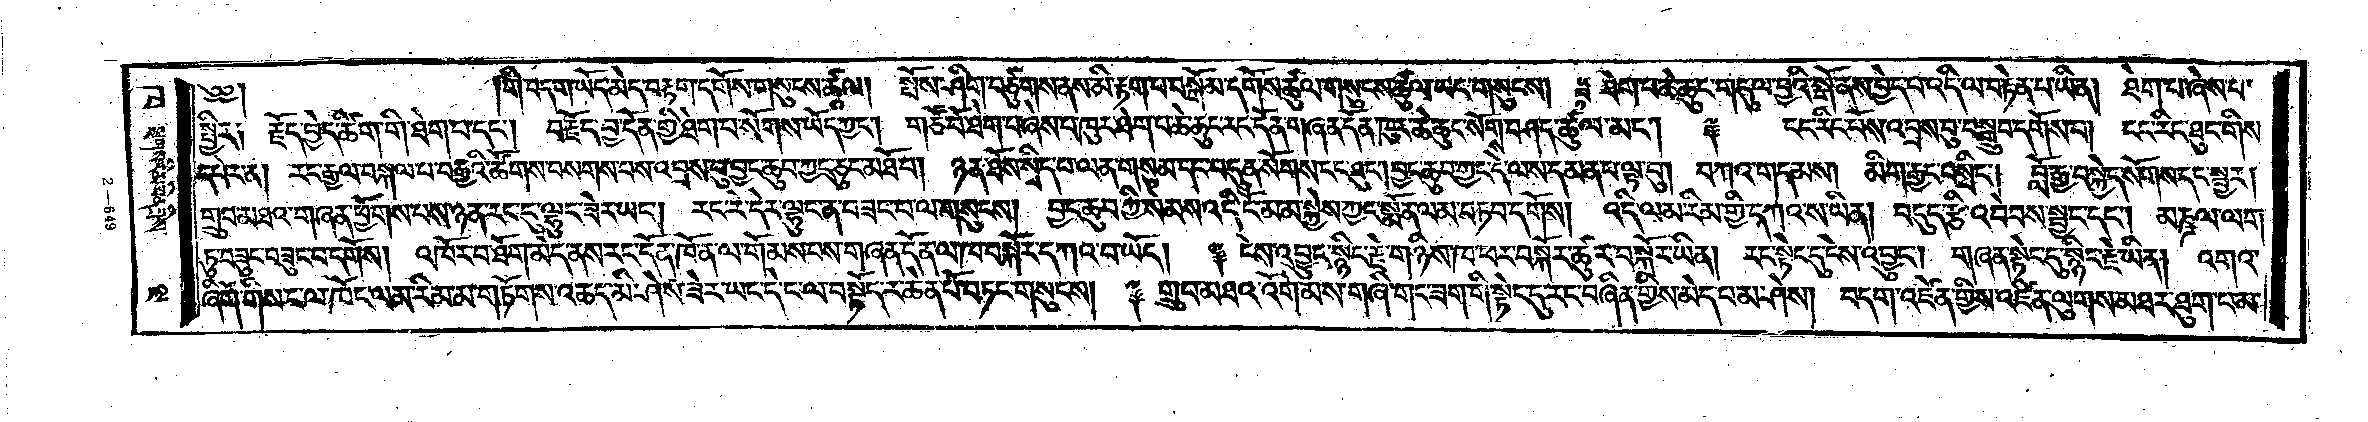༄༅། །གི་བདག་ཡོད་མེད་བརྟག་དགོས་གསུངས་ཚུལ། སྤོས་ཤིག་བཙུགས་ནས་མི་རྟག་པ་བསྒོམ་དགོས་ཚུལ་གསུངས་ཚུལ་ཡང་གསུངས། ༥བ༡་ཐེག་པ་ཆེ་ཆུང་གདུལ་བྱའི་སྒོ་ནས་བྱེད་པ་འདི་ལ་བརྟེན་པ་ཡིན། ཐེག་པ་ཞེས་པ་
སྤྱིར༑ རྗོད་བྱེད་ཚིག་གི་ཐེག་པ་དང་། བརྗོད་བྱ་དོན་གྱི་ཐེག་པ་སོགས་ཡོད་ཀྱང་། གཙོ་བོ་ཐེག་པ་ཞེས་བ་ཁུར་ཐེག་པ་ཆེ་ཆུང་རང་དོན་གཞན་དོན་ཁུར་ཆེ་ཆུང་སོགས་བཤད་ཚུལ་མང་། ༈ ངང་རིང་པོས་འབྲས་བུ་བསྒྲུབ་དགོས་པ། ངང་རིང་ཐུང་གིས་
དཔེར་ན། རང་རྒྱལ་བསྐལ་པ་བརྒྱའི་ཚོགས་བསགས་པས་འབྲས་བུ་བྱང་ཆུབ་ཀྱང་ཅུང་མཐོ་བ། ཉན་ཐོས་སྲིད་པ་ལན་གསུམ་དང་བདུན་སོགས་དང་ཐུང་། བྱང་ཆུབ་གྱང་དེ་ལས་དམན་པ་ལྟ་བུ། བཀའ་གདམས། མིག་རྒྱང་བསྲིང་། བློ་རྒྱ་བསྐྱེད་སོགས་དང་སྦྱར།
གྲུབ་མཐའ་གཞན་ཕྱོགས་པས་ཉན་རང་དུ་ལྷུང་ཟེར་ཡང་། རང་རེ་དེར་ལྷུང་ན་བཟང་བ་ལ་གསུངས། བྱང་ཆུབ་ཀྱི་སེམས་འདི་ངོ་མ་མ་སྐྱེས་ཀྱང་སྨོན་ལམ་བཏབ་དགོས། འདི་ལམ་རིམ་གྱི་དཀའ་ས་ཡིན། བདུད་རྩི་འབེབས་སྦྱང་དང་། མཎྜལ་ལག་
ཏུ་བཟུང་བཟུང་བ་དགོས། འཁོར་བ་ཐོག་མེད་ནས་རང་དོན་ཁོ་ན་ལ་གོམས་པས་གཞན་དོན་ལ་ཁ་བསྐོར་དཀའ་བ་ཡོད། ༈ ངེས་འབྱུང་སྙིང་རྗེ་གཉིས་ཁ་ཕར་བསྐོར་ཚུར་བསྐོར་ཡིན། རང་སྟེང་དུ་ངེས་འབྱུང་། གཞན་སྟེང་དུ་སྙིང་རྗེ་ཡིན། འགའ་
ཞིག་གིས་ང་ལ་ཁོང་ལམ་རིམ་མ་གཏོགས་འཆད་མི་ཤེས་ཟེར་ཡང་དེ་ང་ལ་བསྟོད་ར་ཆེན་པོ་བཏང་གསུངས། ༈ གྲུབ་མཐའ་འོག་མས་གཞི་གང་ཟག་གི་སྟེང་དུ་རང་བཞིན་གྱིས་མེད་པ་མ་ཤེས། བདག་འཛིན་གྱིས་འཛིན་ལུགས་མཐར་ཐུག་བ་མ་